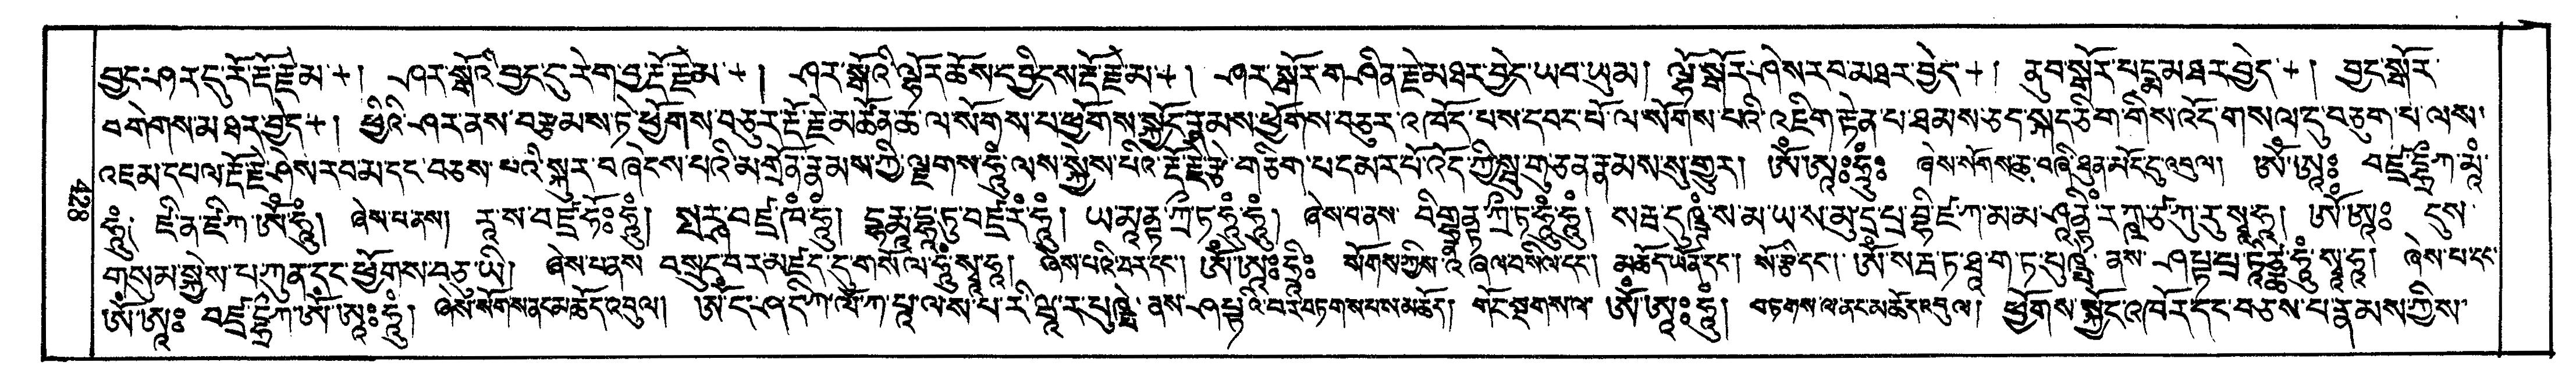བྱང་ཤར་དུ་རོ་རྡོ་རྗེ་མ་+། ཤར་སྒོའི་བྱང་དུ་རེག་བྱ་རྡོ་རྗེ་མ་+། ཤར་སྒོའི་ལྷོར་ཆོས་དབྱིངས་རྡོ་རྗེ་མ་+། ཤར་སྒོར་གཤིན་རྗེ་མཐར་བྱེད་ཡབ་ཡུམ། ལྷོ་སྒོར་ཤེས་རབ་མཐར་བྱེད་+། ནུབ་སྒོར་པདམ་མཐར་བྱེད་+། བྱང་སྒོར་
བགེགས་མཐར་བྱེད་+། ཕྱིའི་ཤར་ནས་བརྩམས་ཏེ་ཕྱོགས་བཅུར་རྡོ་རྗེ་མཚོན་ཆ་ལ་སོགས་པ་ཕྱོགས་སྐྱོང་རྣམས་ཕྱོགས་བཅུར་འཁོད་པས་དབང་པོ་ལ་སོགས་པའི་འཇིག་རྟེན་པ་ཐམས་ཅད་སྐད་ཅིག་གིས་འོད་གསལ་དུ་བཅུག་པ་ལས་
འཇམ་དཔལ་རྡོ་རྗེ་ཤེས་རབ་མ་དང་བཅས་པའི་སྐུར་བཞེངས་པའི་མགྲོན་རྣམས་ཀྱི་ལྗགས་ཧཱུཾ་ལས་སྐྱེས་པའི་རྡོ་རྗེ་རྩེ་གཅིག་པ་དམར་པོ་འོད་ཀྱི་སྦུ་གུ་ཅན་རྣམས་སུ་གྱུར། ཨོཾ་ཨཱཿ ཧྲཱིཿ ཞེས་སོགས་ཆུ་བཞི་ཐུན་མོང་དུ་འབུལ། ཨོཾ་ཨཱཿ བཛྲ་དྷྲྀ་ཀ་མཱཾ་
ཧཱུཾ༑ ཛི་ན་ཛི་ཀ་ཨོཾ་ཧཱུཾ། ཞེས་པ་ནས། རཱ་ས་བཛྲ་ཧོཿ ཧཱུཾ། སྤརྴ་བཛྲ་ཁཾ་ཧཱུཾ། དྷ་རྨཱ་དྷཱ་ཏུ་བཛྲ་རཾ་ཧཱུཾ། ཡམཱནྟ་ཀྲྀཏ་ཧཱུཾ་ཧཱུཾ། ཞེས་པ་ནས། བིགྷྣྟ་ཀྲྀ་ཏ་ཧཱུཾ་ཧཱུཾ། སརྦ་དུ་ཥྚཾ་ས་མ་ཡ་ས་མུ་དྲ་པྲ་བྷི་ཛ་ཀ་མ་མ་ཤཱནྟཾ་རཀྵ་ཙ་ཀུ་རུ་སྭཱཧཱ། ཨོཾ་ཨཱཿ དུས་
གསུམ་སྐྱེས་པ་ཀུན་དང་ཕྱོགས་བཅུ་ཡི། ཞེས་པ་ནས་བསྲུང་བར་མཛད་དུ་གསོལ་ཧཱུཾ་སྭཱ་ཧཱ། ཞེས་པའི་བར་དང་། ཨོཾ་ཨཱཿ ཧྲཱིཿ སོགས་ཀྱིས་ཞལ་བསིལ་དང་། མཆོད་ཡོན་དང་། སོ་རྩི་དང་། ཨོཾ་སརྦ་ཏ་ཐཱ་ག་ཏ་པུཥྤ་ནས་ཤཔྟ་པྲ་ཏཱིཙྪ་ཧཱུཾ་སྭཱ་ཧཱ། ཞེས་པ་དང་།
ཨོཾ་ཨཱཿ བཛྲ་དྷྲྀ་ཀ་ཨོཾ་ཨཱཿ ཧཱུཾ། ཞེས་སོགས་ནང་མཆོད་འབུལ། ཨོཾ་ད་ཤ་དི་ཀ་ལ་ཀ་པཱ་ལ་ས་པ་རི་ཝཱ་ར་པུཥྤེ་ནས་ཤཔྟ་འབར་བཏགས་པས་མཆོད། གོང་སྔགས་ལ། ཨོཾ་ཨཱཿ ཧཱུཾ། བཏགས་ལ་ནང་མཆོད་འབུལ། ཕྱོགས་སྐྱོང་འཁོར་དང་བཅས་པ་རྣམས་ཀྱིས་